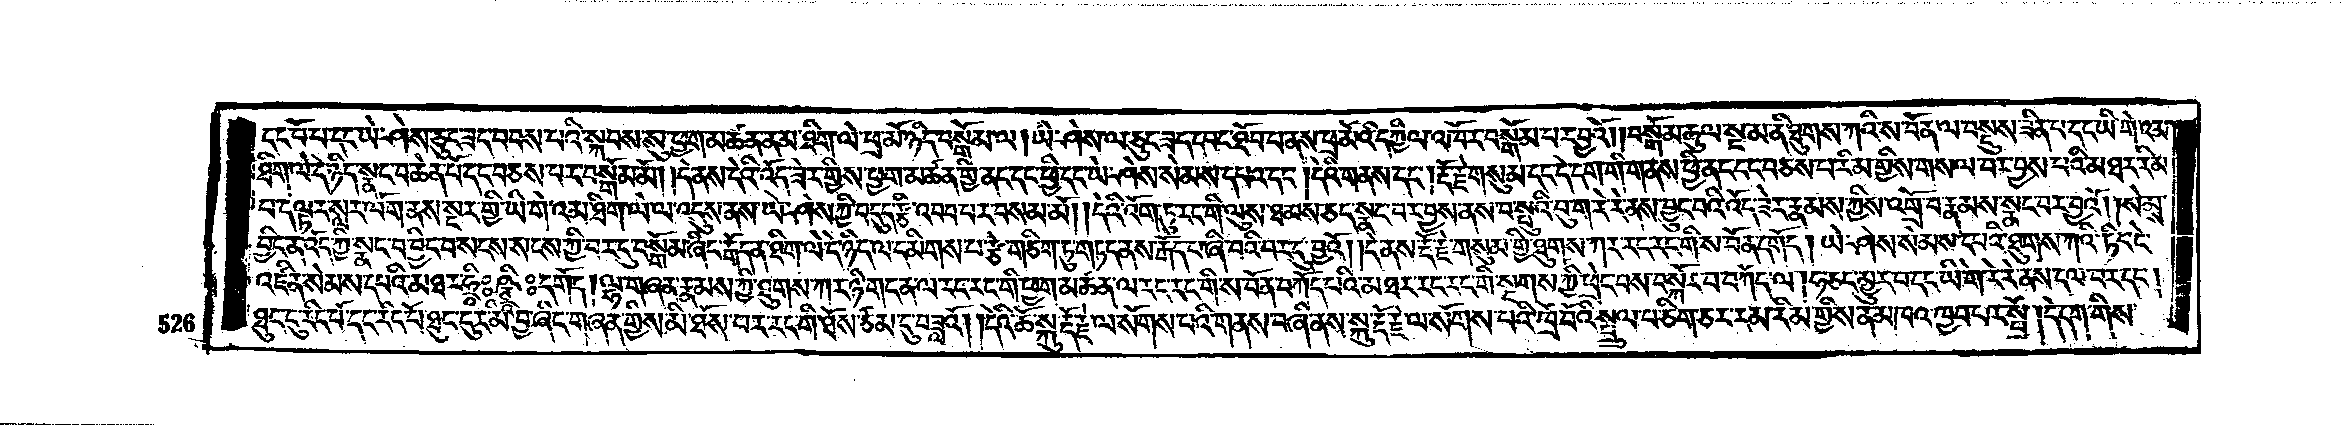དང་པོ་པ་དང་ཡེ་ཤེས་ཅུང་ཟད་བབས་པའི་སྐབས་སུ་ཕྱག་མཚན་ནམ་ཐིག་ལེ་ཕྲ་མོ་ཉིད་བསྒོམ་ལ། ཡེ་ཤེས་ལ་ཅུང་ཟད་དབང་ཐོབ་པ་ནས་ཕྲ་མོའི་དཀྱིལ་འཁོར་བསྒོམ་པར་བྱའོ། །བསྒོམ་ཚུལ་སྔ་མ་ནི་ཐུགས་ཀའི་ས་བོན་ལ་བསྡུས་ཟིན་པ་དང་ཡི་གེ་འམ་
ཐིག་ལེ་དེ་ཉིད་སྣང་བ་ཆེན་པོ་དང་བཅས་པར་བསྒོམ་མོ། །དེ་ནས་དེའི་འོད་ཟེར་གྱིས་ཕྱག་མཚན་གྱི་ནང་དང་ཕྱི་དང་ཡེ་ཤེས་སེམས་དཔའ་དང་། དེའི་གནས་དང་། རྡོ་རྗེ་གསུམ་དང་དེ་དག་གི་གནས་ཕྱི་ནང་དང་བཅས་པ་རིམ་གྱིས་གསལ་བར་བྱས་པའི་མཐར་རིམ་
པ་དེ་ལྟར་སླར་ལོག་ནས་སྔར་གྱི་ཡི་གེ་འམ་ཐིག་ལེ་ལ་འདུས་ནས་ཡེ་ཤེས་ཀྱི་བདུད་རྩི་འབབ་པར་བསམ་མོ། །དེའི་འོག་ཏུ་རང་གི་ལུས་ཐམས་ཅད་སྣང་བར་བྱས་ནས་བ་སྤུའི་བུ་ག་རེ་རེ་ནས་བྱུང་བའི་འོད་ཟེར་རྣམས་ཀྱིས་འགྲོ་བ་རྣམས་སྣང་བར་བྱའོ། །སེམས་
བྱིང་ན་འོད་ཀྱི་སྣང་བ་བྱིང་བ་སངས་སངས་ཀྱི་བར་དུ་བསྒོམ་ཞིང་རྒོད་ན་ཐིག་ལེ་དེ་ཉིད་ལ་དམིགས་པ་རྩེ་གཅིག་ཏུ་གཏད་ནས་རྒོད་པ་ཞི་བའི་བར་དུ་བྱའོ། །དེ་ནས་རྡོ་རྗེ་གསུམ་གྱི་ཐུགས་ཀར་རང་རང་གི་ས་བོན་དགོད། ཡེ་ཤེས་སེམས་དཔའི་ཐུགས་ཀའི་ཏིང་ངེ་
འཛིན་སེམས་དཔའི་མཐར་ཧྲཱིཿ ཥྚྲཱིཿ དགོད། ལྷ་གཞན་རྣམས་ཀྱི་ཐུགས་ཀར་ཉི་གདན་ལ་རང་རང་གི་ཕྱག་མཚན་ལ་རང་རང་གི་ས་བོན་བཀོད་པའི་མཐར་རང་རང་གི་སྔགས་ཀྱི་ཕྲེང་བས་བསྐོར་བ་བཀོད་ལ། ཧ་ཅང་མྱུར་བ་དང་ཡི་གེ་རེ་རེ་ནས་དལ་བར་དང་།
ཐུང་ངུ་རིང་པོ་དང་རིང་པོ་ཐུང་ངུར་མི་བྱ་ཞིང་གཞན་གྱིས་མི་ཐོས་པར་རང་གི་ཐོས་ཙམ་དུ་བཟླའོ། །དེའི་ཚེ་སྐུ་རྡོ་རྗེ་ལ་སོགས་པའི་གནས་བཞི་ནས་སྐུ་རྡོ་རྗེ་ལ་སོགས་པའི་ཁྲོ་བོའི་སྤྲུལ་པ་ཅིག་ཅར་རམ་རིམ་གྱིས་ནམ་མཁའ་ཁྱབ་པར་སྤྲོ། དེ་དག་གིས་